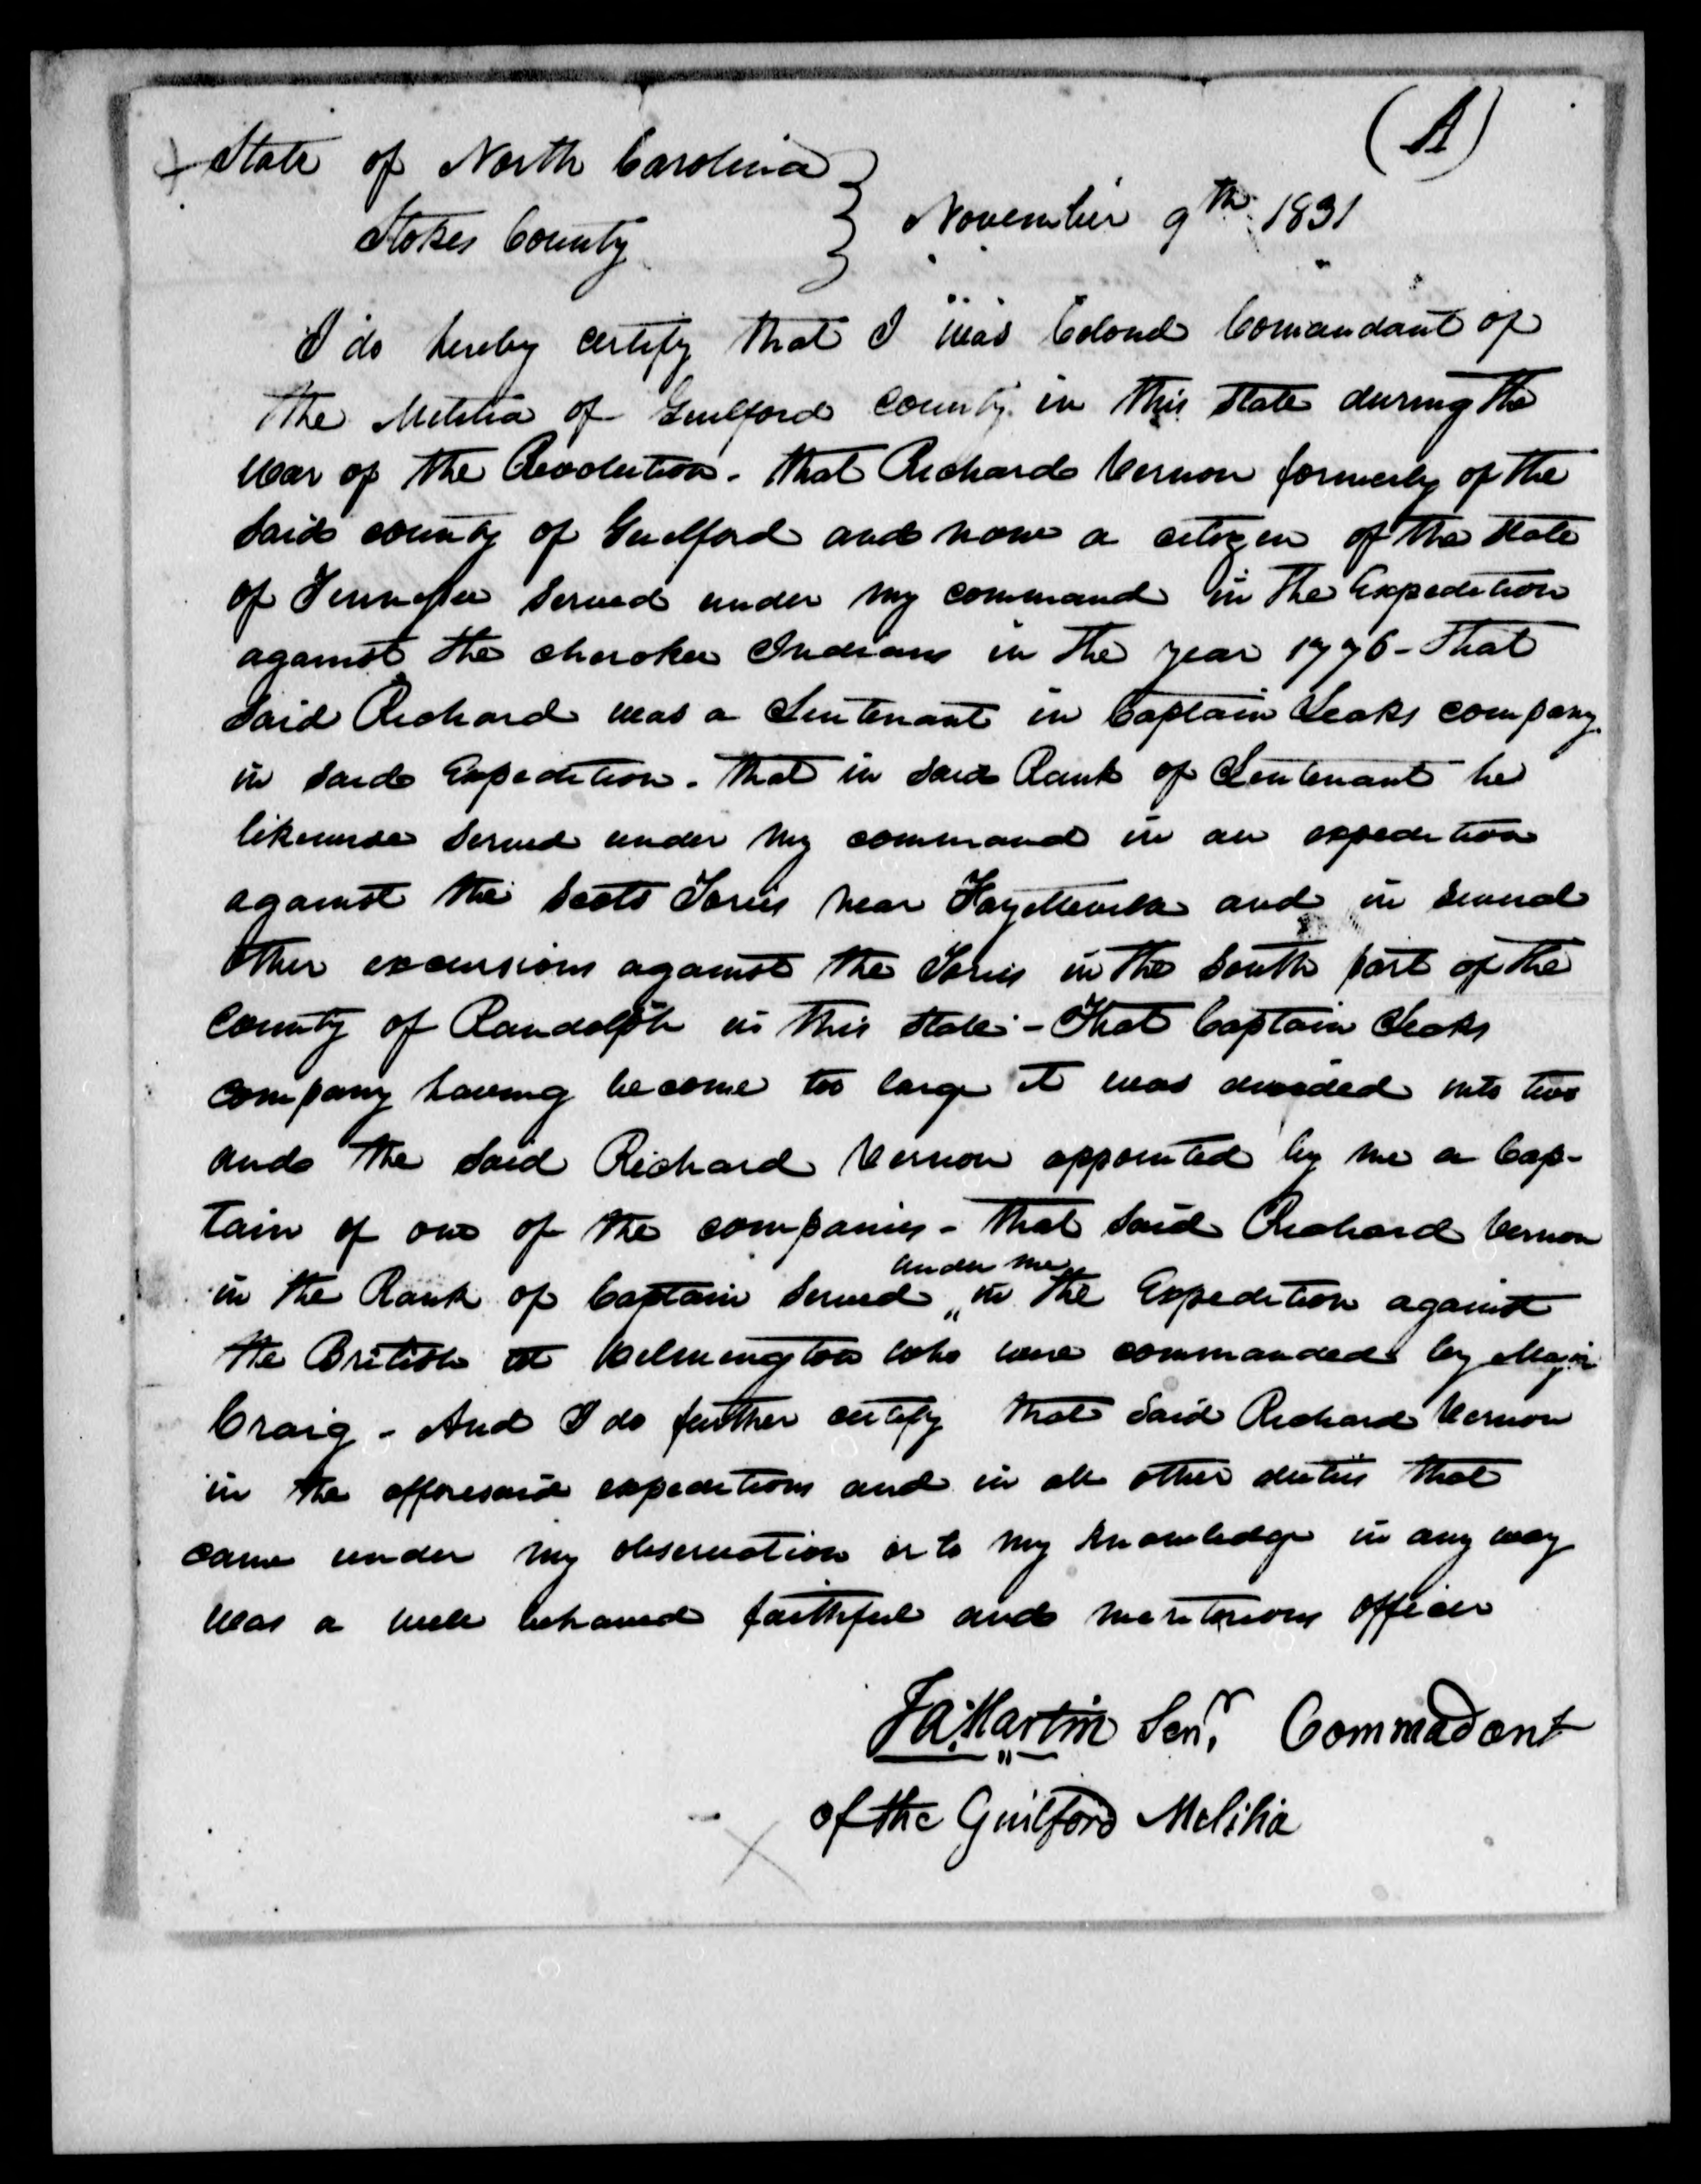(A)
State of North Carolina}
Stokes County}
November 9th 1831

I do hereby certify that I was Colonel Comandant [sic] of the Militia of Guildford County in this state during the war of the Revolution.  That Richard Vernon formerly of the Said county of Guilford and now a citizen of this State of Tennessee Seved under my command in The Expedition against the Cherokee Indians I the year 1776 – that  Said Richard was a Lieutenant in Captain Leaks company in Said Expedition.  That in Said Rank of Lieutenant he likewise served under my command in and expedition against the Scots Tories near Fayetteville and in second other excursions against the Tories in the South part of the county of Randolph in this State – That Captain Leaks company having become too large it was divided into two and the Said Richard Vernon appointed by me a Captain of one of the companies.  That Said Richard Vernon in the Rank of Captain Served under me in the Expedition against the British at Wilmington who were commanded by Captpain Craig – And I do further certify that Said Richard Vernon in the afforesaid [sic] expeditions and in   all other duties that came under my observation or to my knowledge in any way was a well behave faithful and meritorious officer.
Ja. Martin Senr. Commadant [sic]
of the Guilford Militia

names: Craig, Richard, Richard Vernon, Richard Vernon, Richard Vernon, Ja Martin, Richard Vernon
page: 50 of 105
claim: survivor's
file: S. 1883, Richard Vernon, N.C.